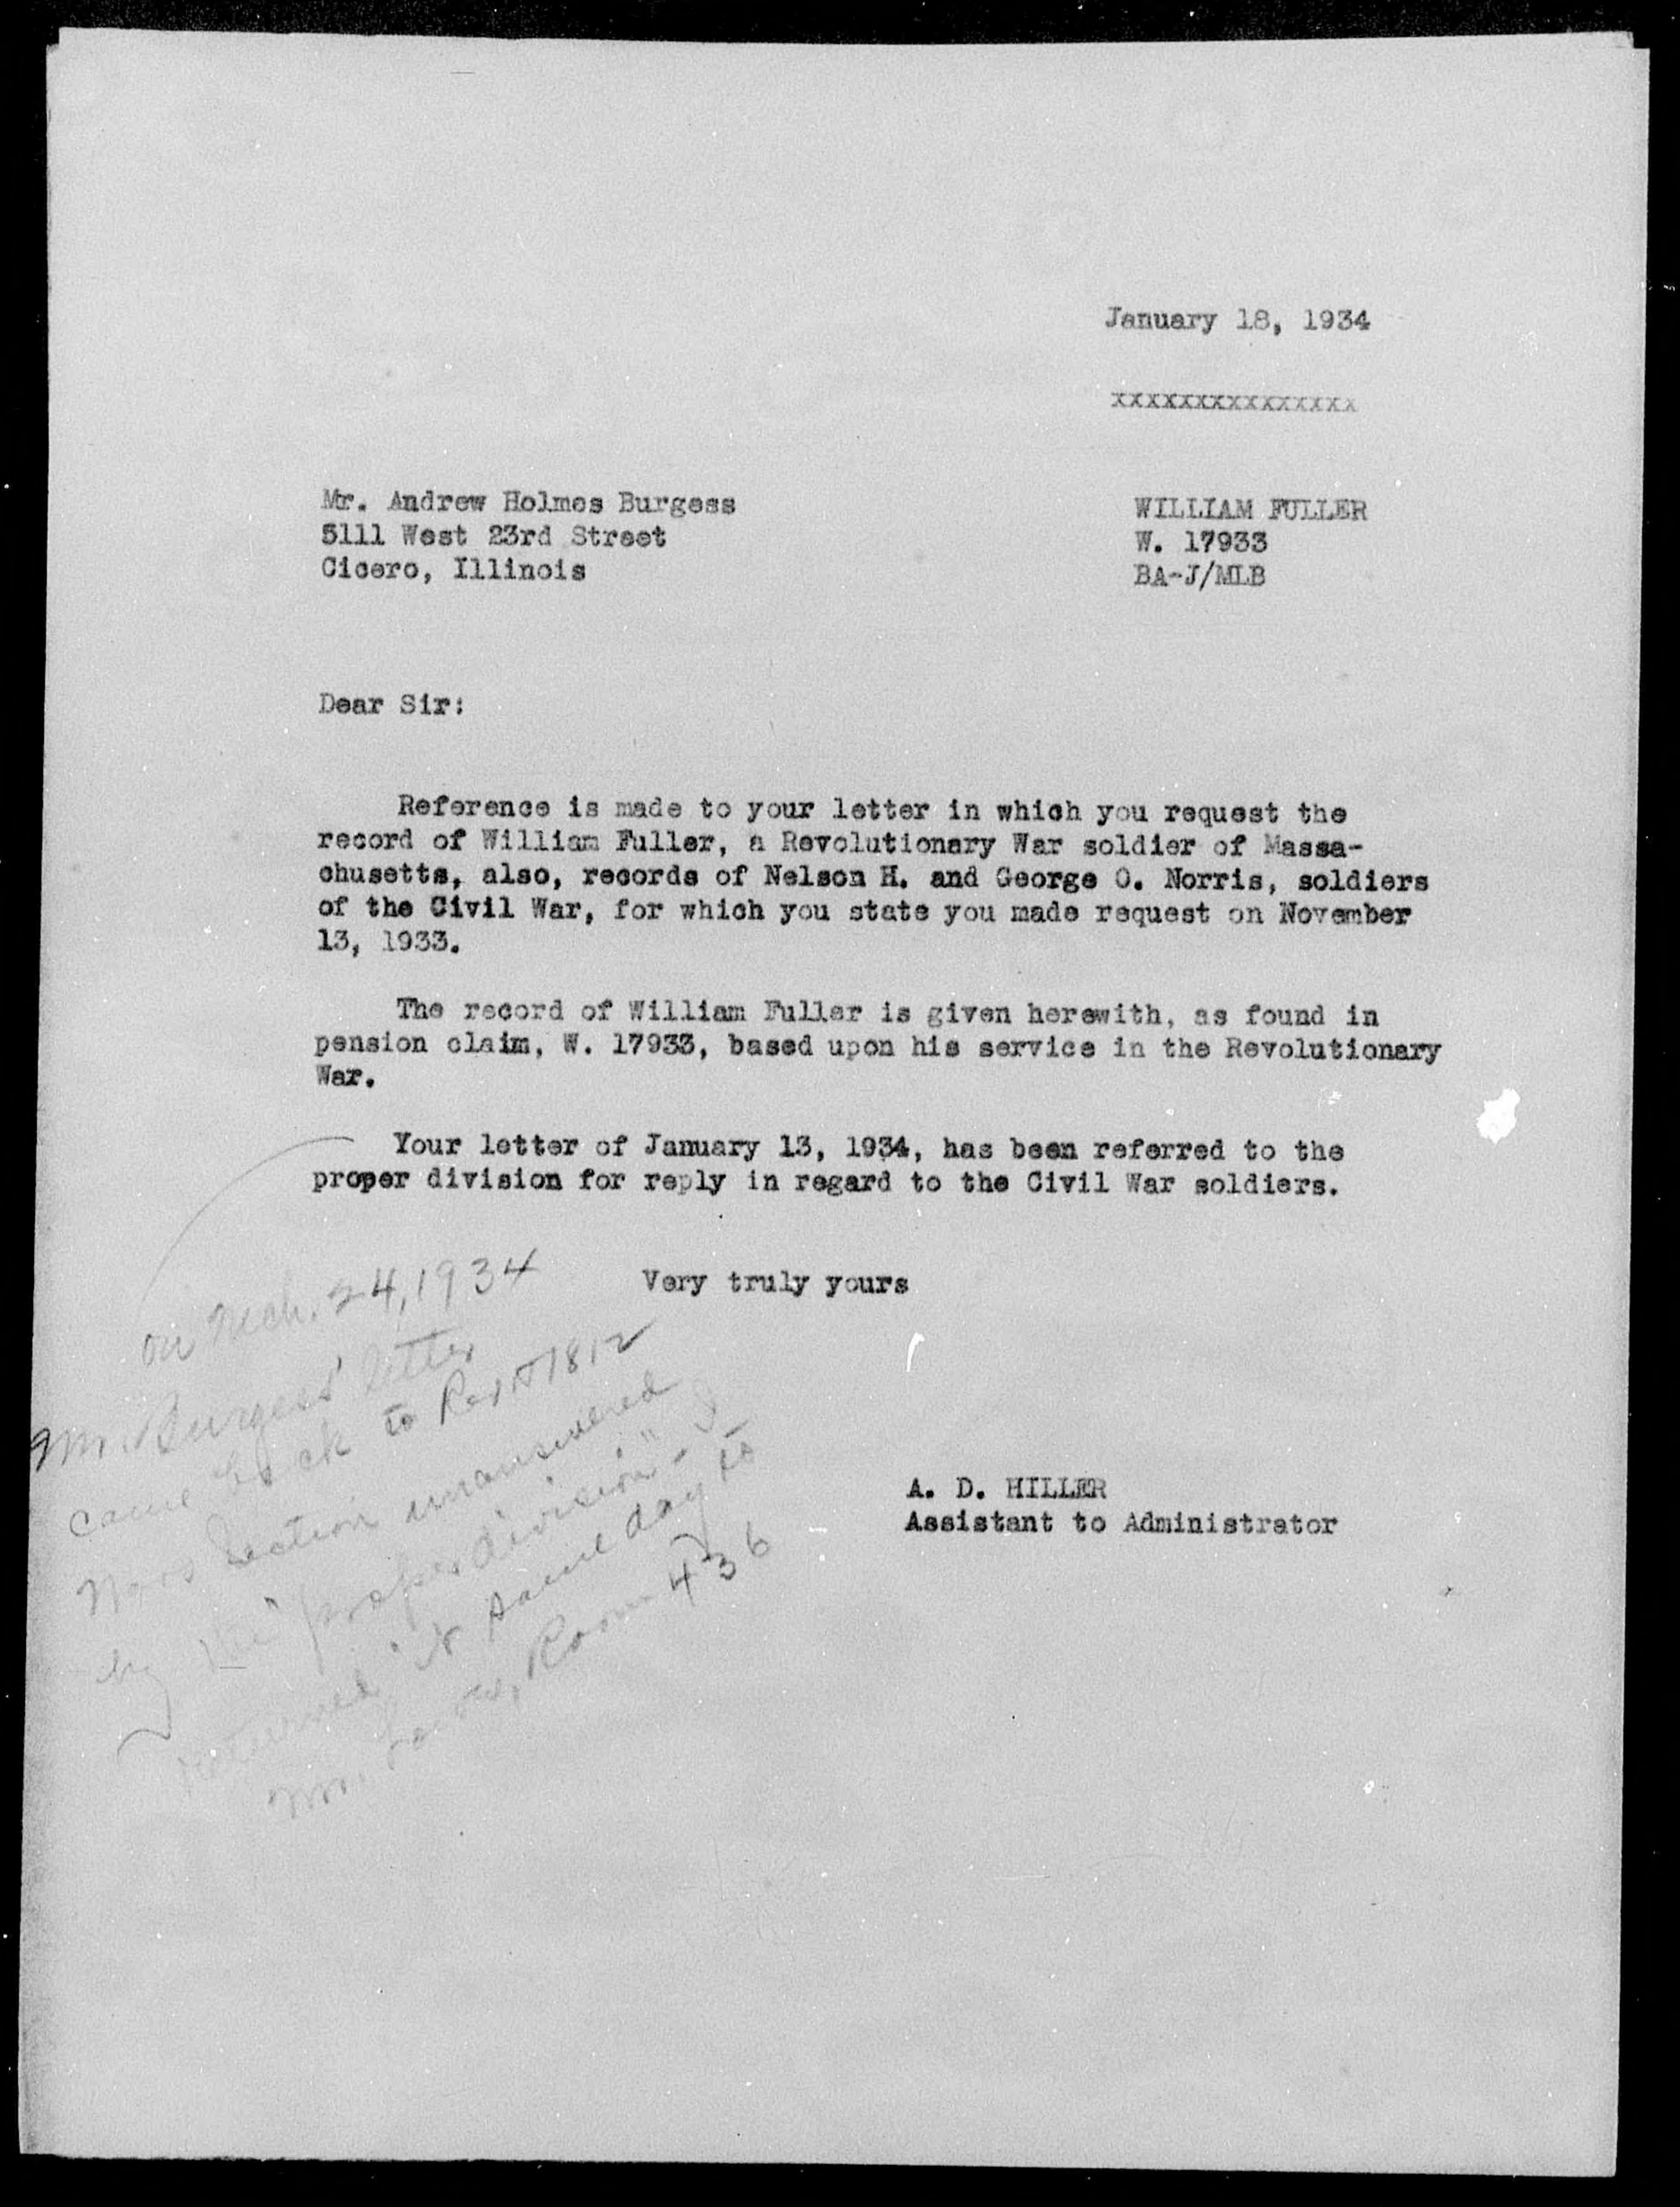January 18, 1934
xxxxxxxxxxxx
WILLIAM FULLER
W. 17933
BA-J/MLB

Mr. Andrew Holmes Burgess
5111 West 23rd Street
Cicero, Illinois

Dear Sir:
Reference is made to your letter in which you request the record of William Fuller, a Revolutionary War soldier of Massachusetts, also, records of Nelson H. and George O. Norris, soldiers of the Civil War, for which you state you made request on November 13, 1933.
The record of William Fuller is given herewith, as found in pension claim, W. 17933, based upon his service in the Revolutionary War.
Your letter of January 13, 1934, has been referred to the proper division for replay in regard to the Civil War soldiers.
[added in pencil: on Mch. 24, 1934 Mr. Burgess' letter came back re Rev & 1812 Wars Section unanswered by the "proper division". I returned it same day to Mr. Lowe, Room 436]

Very truly yours
A. D. HILLER
Executive Assistant to the Administrator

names: Nelson H Norris, Lowe, George O Norris, William Fuller, A D Hiller, Burgess, Andrew Holmes Burgess, William Fuller, William Fuller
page: 36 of 45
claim: widow's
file: W. 17933, William Fuller, Mass